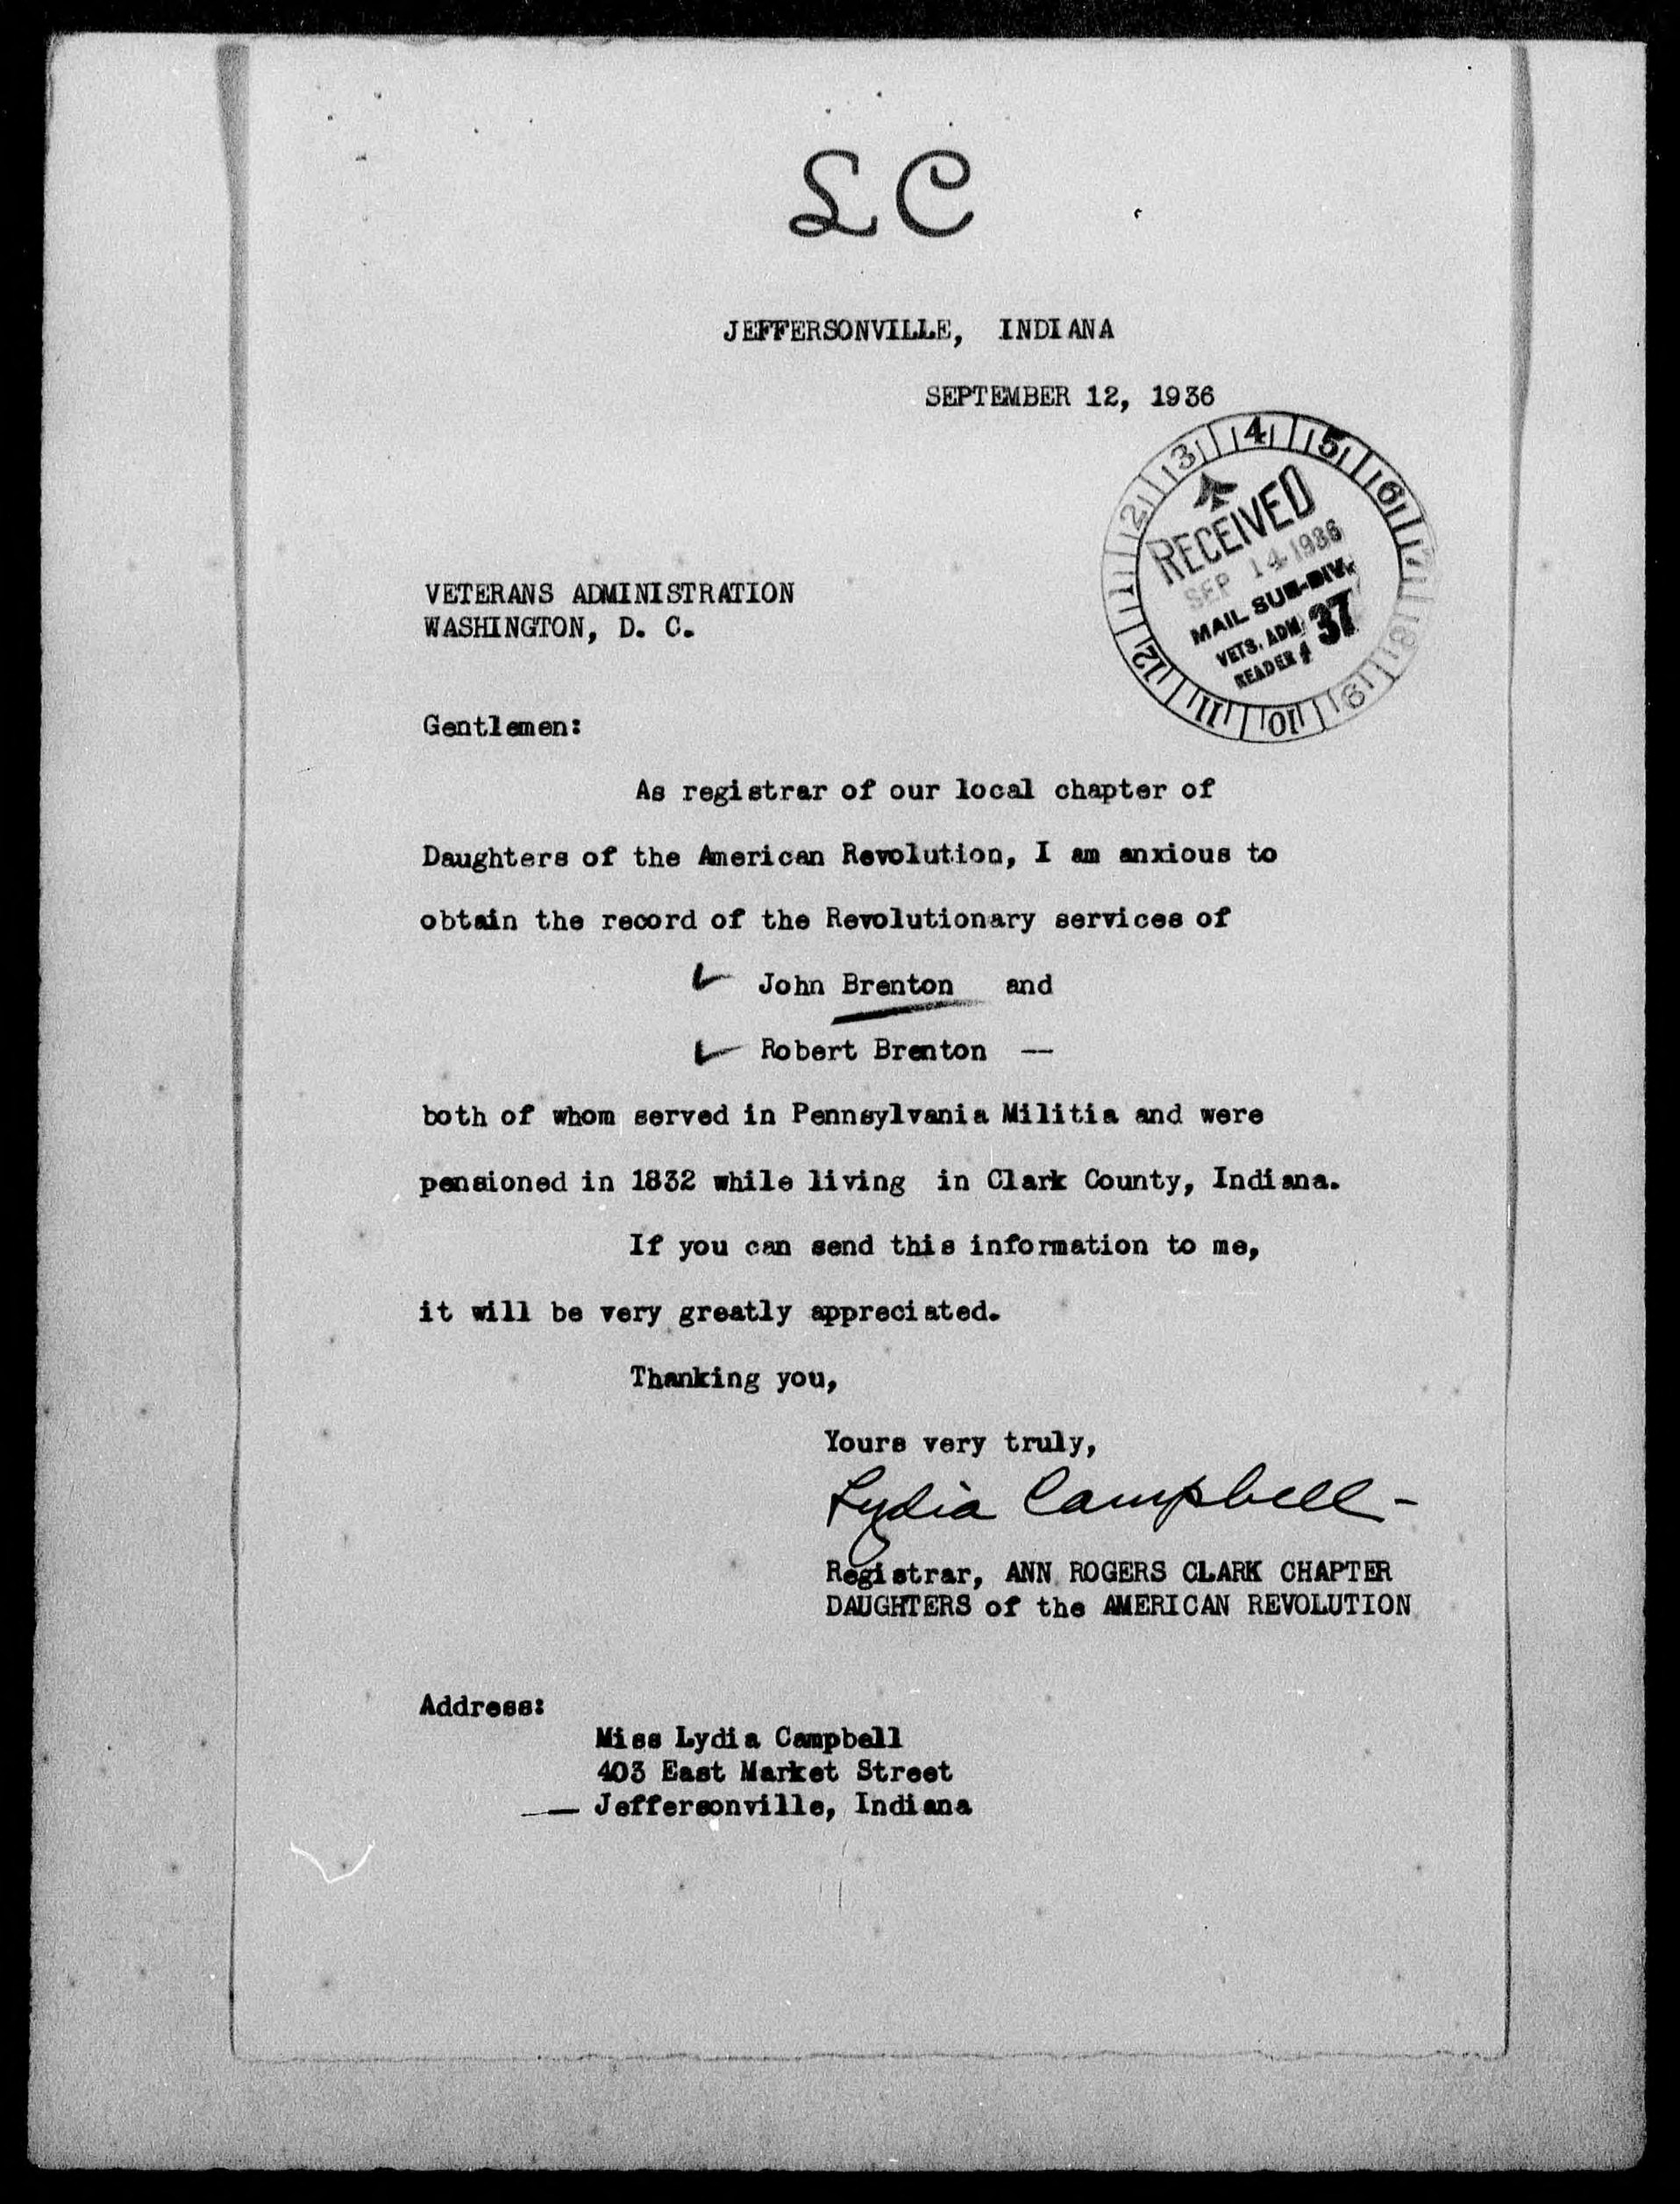[letterhead:] L C
Jeffersonville, Indiana
September 12, 1936
Veterans Administration
Washington, D. C.
[Stamped:] Received Sep 14 1936 Mail Sub-Div.
Vets. Adm Reader 37
Gentlemen:
As registrar of our local chapter of Daughters of the American Revolution, I am anxious to obtain the record of the Revolutionary services of John Brenton and Robert Brenton both of whom served in Pennsylvania Militia and were pensioned in 1832 while living in Clark County, Indiana.
If you can send this information to me, it will be very greatly appreciated.
Thanking you,
Yours very truly
[signature] Lydia Campbell
Registrar, Ann Rogers Clark Chapter
Daughters of the American Revolution

Address: Miss Lydia Campbell
403 East Market Street
Jeffersonville, Indiana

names: Ann Rogers Clark, John Brenton, Lydia Campbell, Robert Brenton, Lydia Campbell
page: 22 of 26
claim: survivor's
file: S. 16059, John Brenton, Penn. Va.